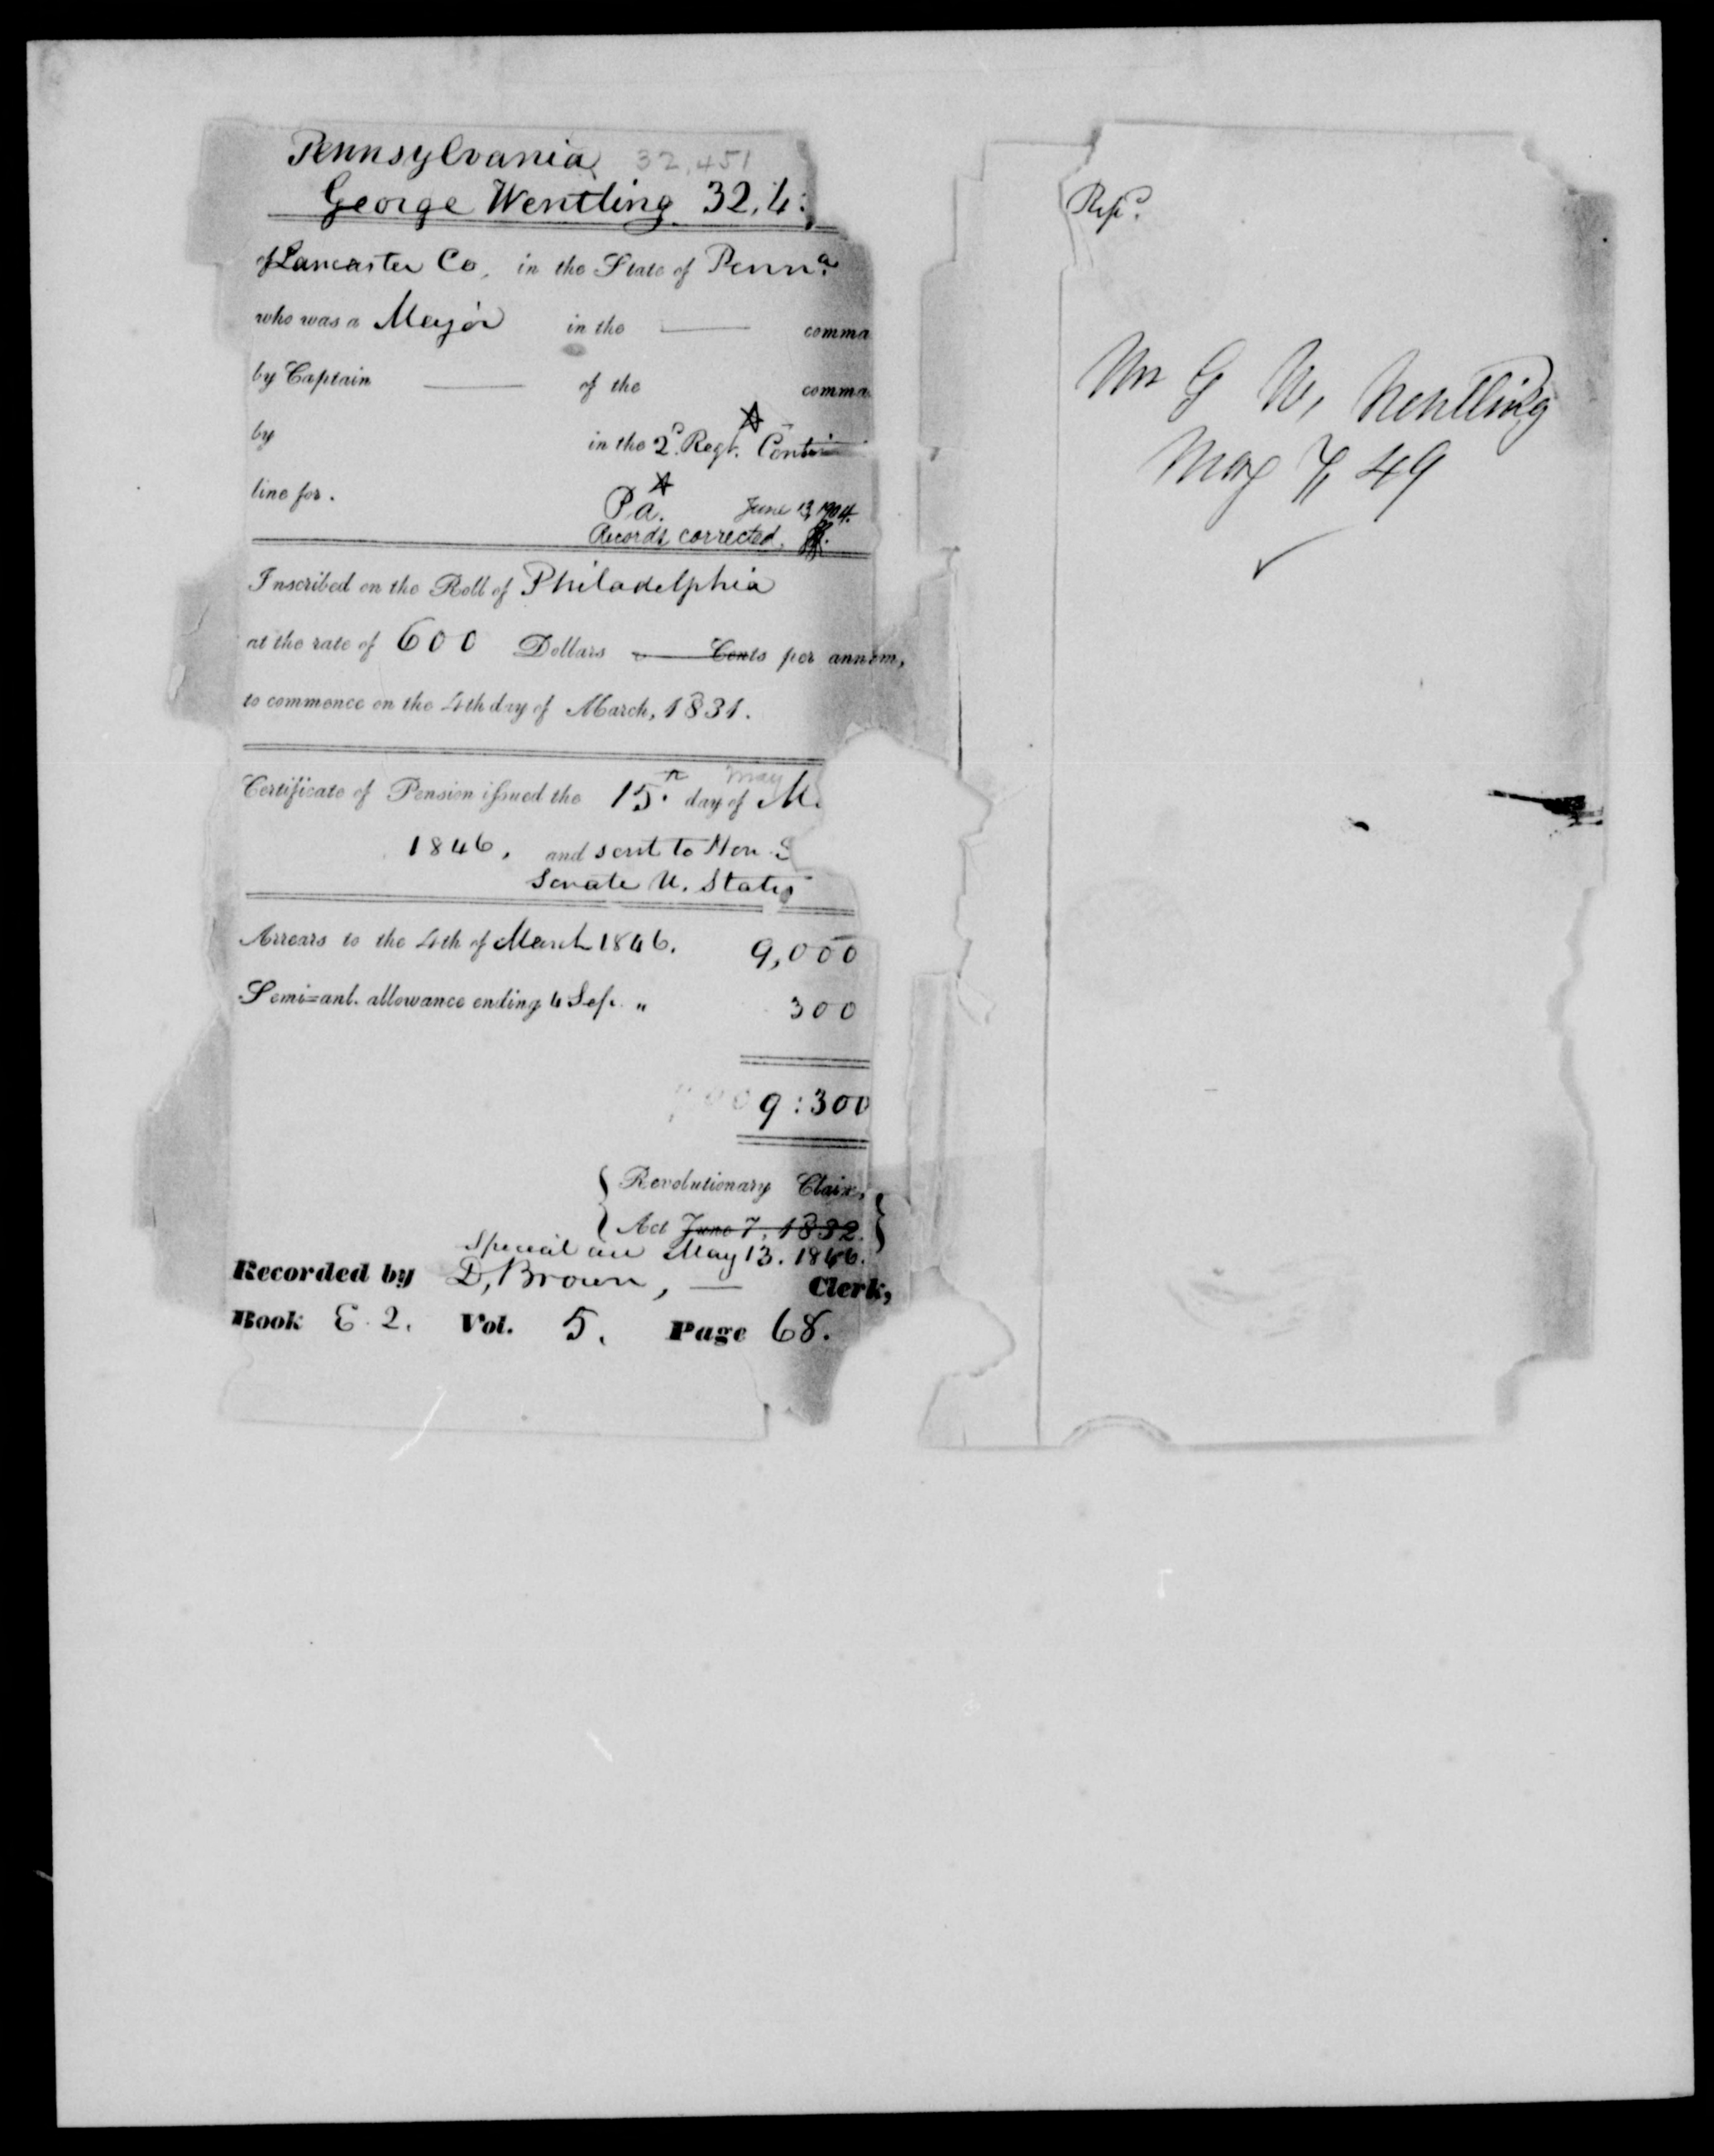[Left side]

Pennsylvania 32,451
George Wentling 32,6

of Lancaster Co., in the State of Penn, s 
who was a Major in the _____________ commanded
by Captain ____________ of the           commanded by            in the 2d. Regt. Continental 
line for.        P.A. [star]   June 13, 1914    
                     Records corrected.   

Inscribed on the Roll of Philadelphia at the rate of 600 Dollars   [{___________Cents] crossed out] per annum, to commence on the 4th day of March 1834.

Certificate of Pension issued the 15th day of May 
1846, and sent to Hon. S Senate U. States

Arrears to the 4th of March 1846.       9,000
Semi-anl. allowance ending 4 Sep"        300
                                                              ______
                                                              9:300  
{Revolutionary Claim}
{Act [{June 7, 1832.} crossed out]
Special on  May 13, 1846.
Recorded by D. Brown, ________Clerk, 
Book E. 2.   Vol. 5.   Page 68.

[Right side]

Repd.

Mr G W. wentling
May 4, 49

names: G W Wentling, Senate, D Brown, George Wentling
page: 2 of 68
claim: survivor's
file: S. 6,358, George Wentling, Penn.